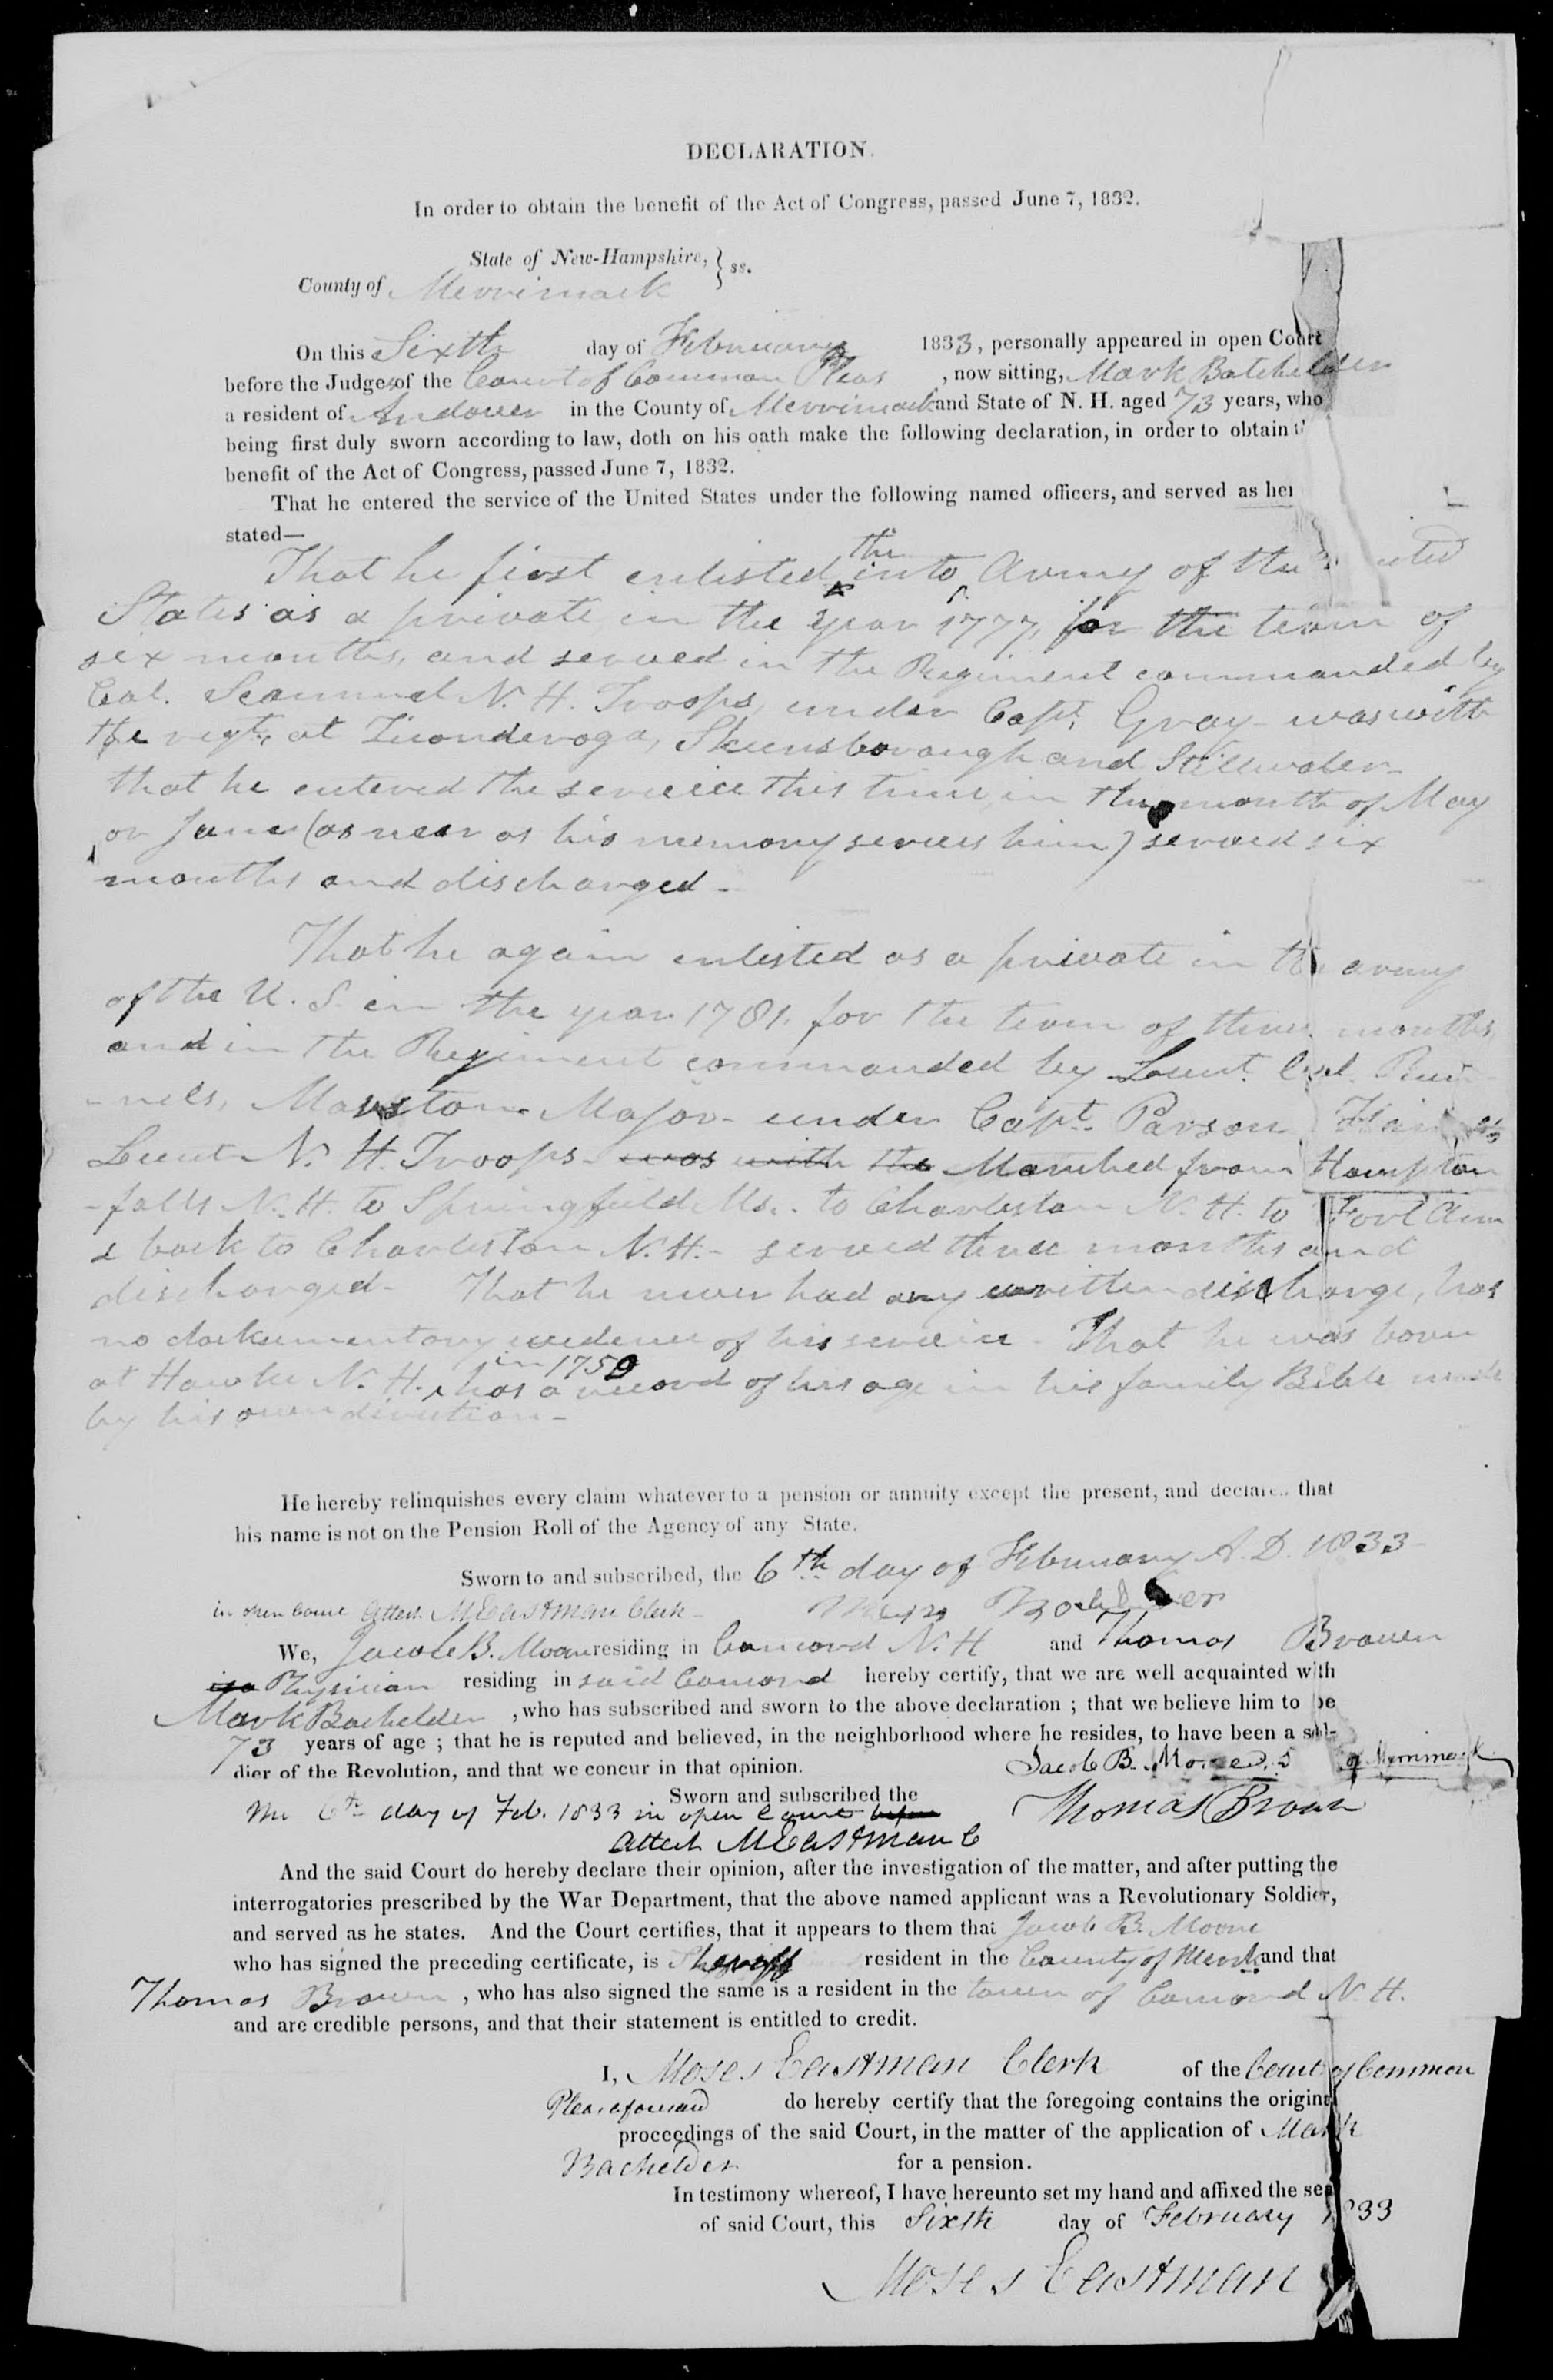DECLARATION.
In order to obtain the benefit of the Act of Congress, passed June 7, 1832.
Sate of New-Hampshire
County of Merrimack
ss.
On this Sixth day of February 1833, personally appeared in open Court before the Judge of the Court of Common Pleas, now sitting, Mark Batchelder a resident of Andover in the County of Merrimack and State of N. H. aged 73 years, who being first duly sworn according to law, doth on his oath make the following declaration, in order to obtain benefit of the Act of Congress, passed June 7, 1832.

That he entered the service of the United States under the following named officers, and served as here stated--

That he first enlisted into the Army of the States as a private in the year 1777, for the term of six months, and served in the Regiment commanded by Col. Samuel N.H. Troops, under Capt. Gray was with the regt at Ticonderoga, Skensborough and Stillwater
that he entered the service this time, in the month of May or June (as near as his memory serves him} served six months and discharged.

That he again enlisted as a private in the army
of the U.S. in the year 1701, for the term of three months and in the Regiment commanded by Leuit. Col. [illegible] Pur
nels, Marston Major under Capt Parson and
Lieut N.H. Troops. Marched from Hampton
Falls N.H. to Springfield, to Charleston N.H. to Fort Ann back to Charleston N.H. Served three months and discharged. That he never had any written discharge, has no dockumentary evidence of his service. That he was born
at Hawke N.H. in 1750 has a record of his age in his family Bible made by his own divotion.

He hereby relinquishes every claim whatever to a pension or annuity except the present, and declares that his name is not on the Pension Roll of the Agency of any State.

Sworn to and subscribed, the 6th day of February A.D. 1833 in open court [illegible] Eastman Clerk-
[illegible] Bohler

We, Jacob B. Moon residing in Concord N.H. and Thomas Brown Physician residing in said Concord hereby certify, that we are well acquainted with Mark Batchelder, who has subscribed and sworn to the above declaration; that we believe him to be
73 years of age; that he is reputed and believed, in the neighborhood where he resides, to have been soldier of the Revolution, and that we concur in that opinion.

Sworn and subscribed the 6th day of Feb. 1833 in open court

Jacob B. Morse of Merrimack
Thomas Broan

[illegible] M Eastman C
Thomas Brown

And the said Court do hereby declare their opinion, after the investigation of the matter, and after putting the interrogatories prescribed by the War Department, that the above named applicant was a Revolutionary Soldier, and served as he states. And the Court certifies, that it appears to them that law Jacob B. Moore who has signed the preceding certificate, is Sheriff resident in the County of Meork and and that Thomas Brown, who has also signed the same is a resident in the town of Concord N.H. and are credible persons, and that their statement is entitled to credit.

I, Moses Eastman Clerk of the Court of  Common [illegible] do hereby certify that the foregoing contains the original proceedings of the said Court, in the matter of the application Mark Batchelder for a pension.

In testimony whereof, I have hereunto set my hand and affixed the seal of said Court, this Sixth day of February 1833
Moses Eastman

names: Thomas Brown, Moses Eastman, Mark Batchelder, Thomas Brown, Thomas Brown, M Eastman, Jacob B Moore, Mark Bachelder, Jacob B Moore, Moses Eastman, Mark Bachelder, Gray, M Eastman, Parson, Jacob B Moore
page: 10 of 11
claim: survivor's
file: S. 15302, Mark Batchelder, N. H